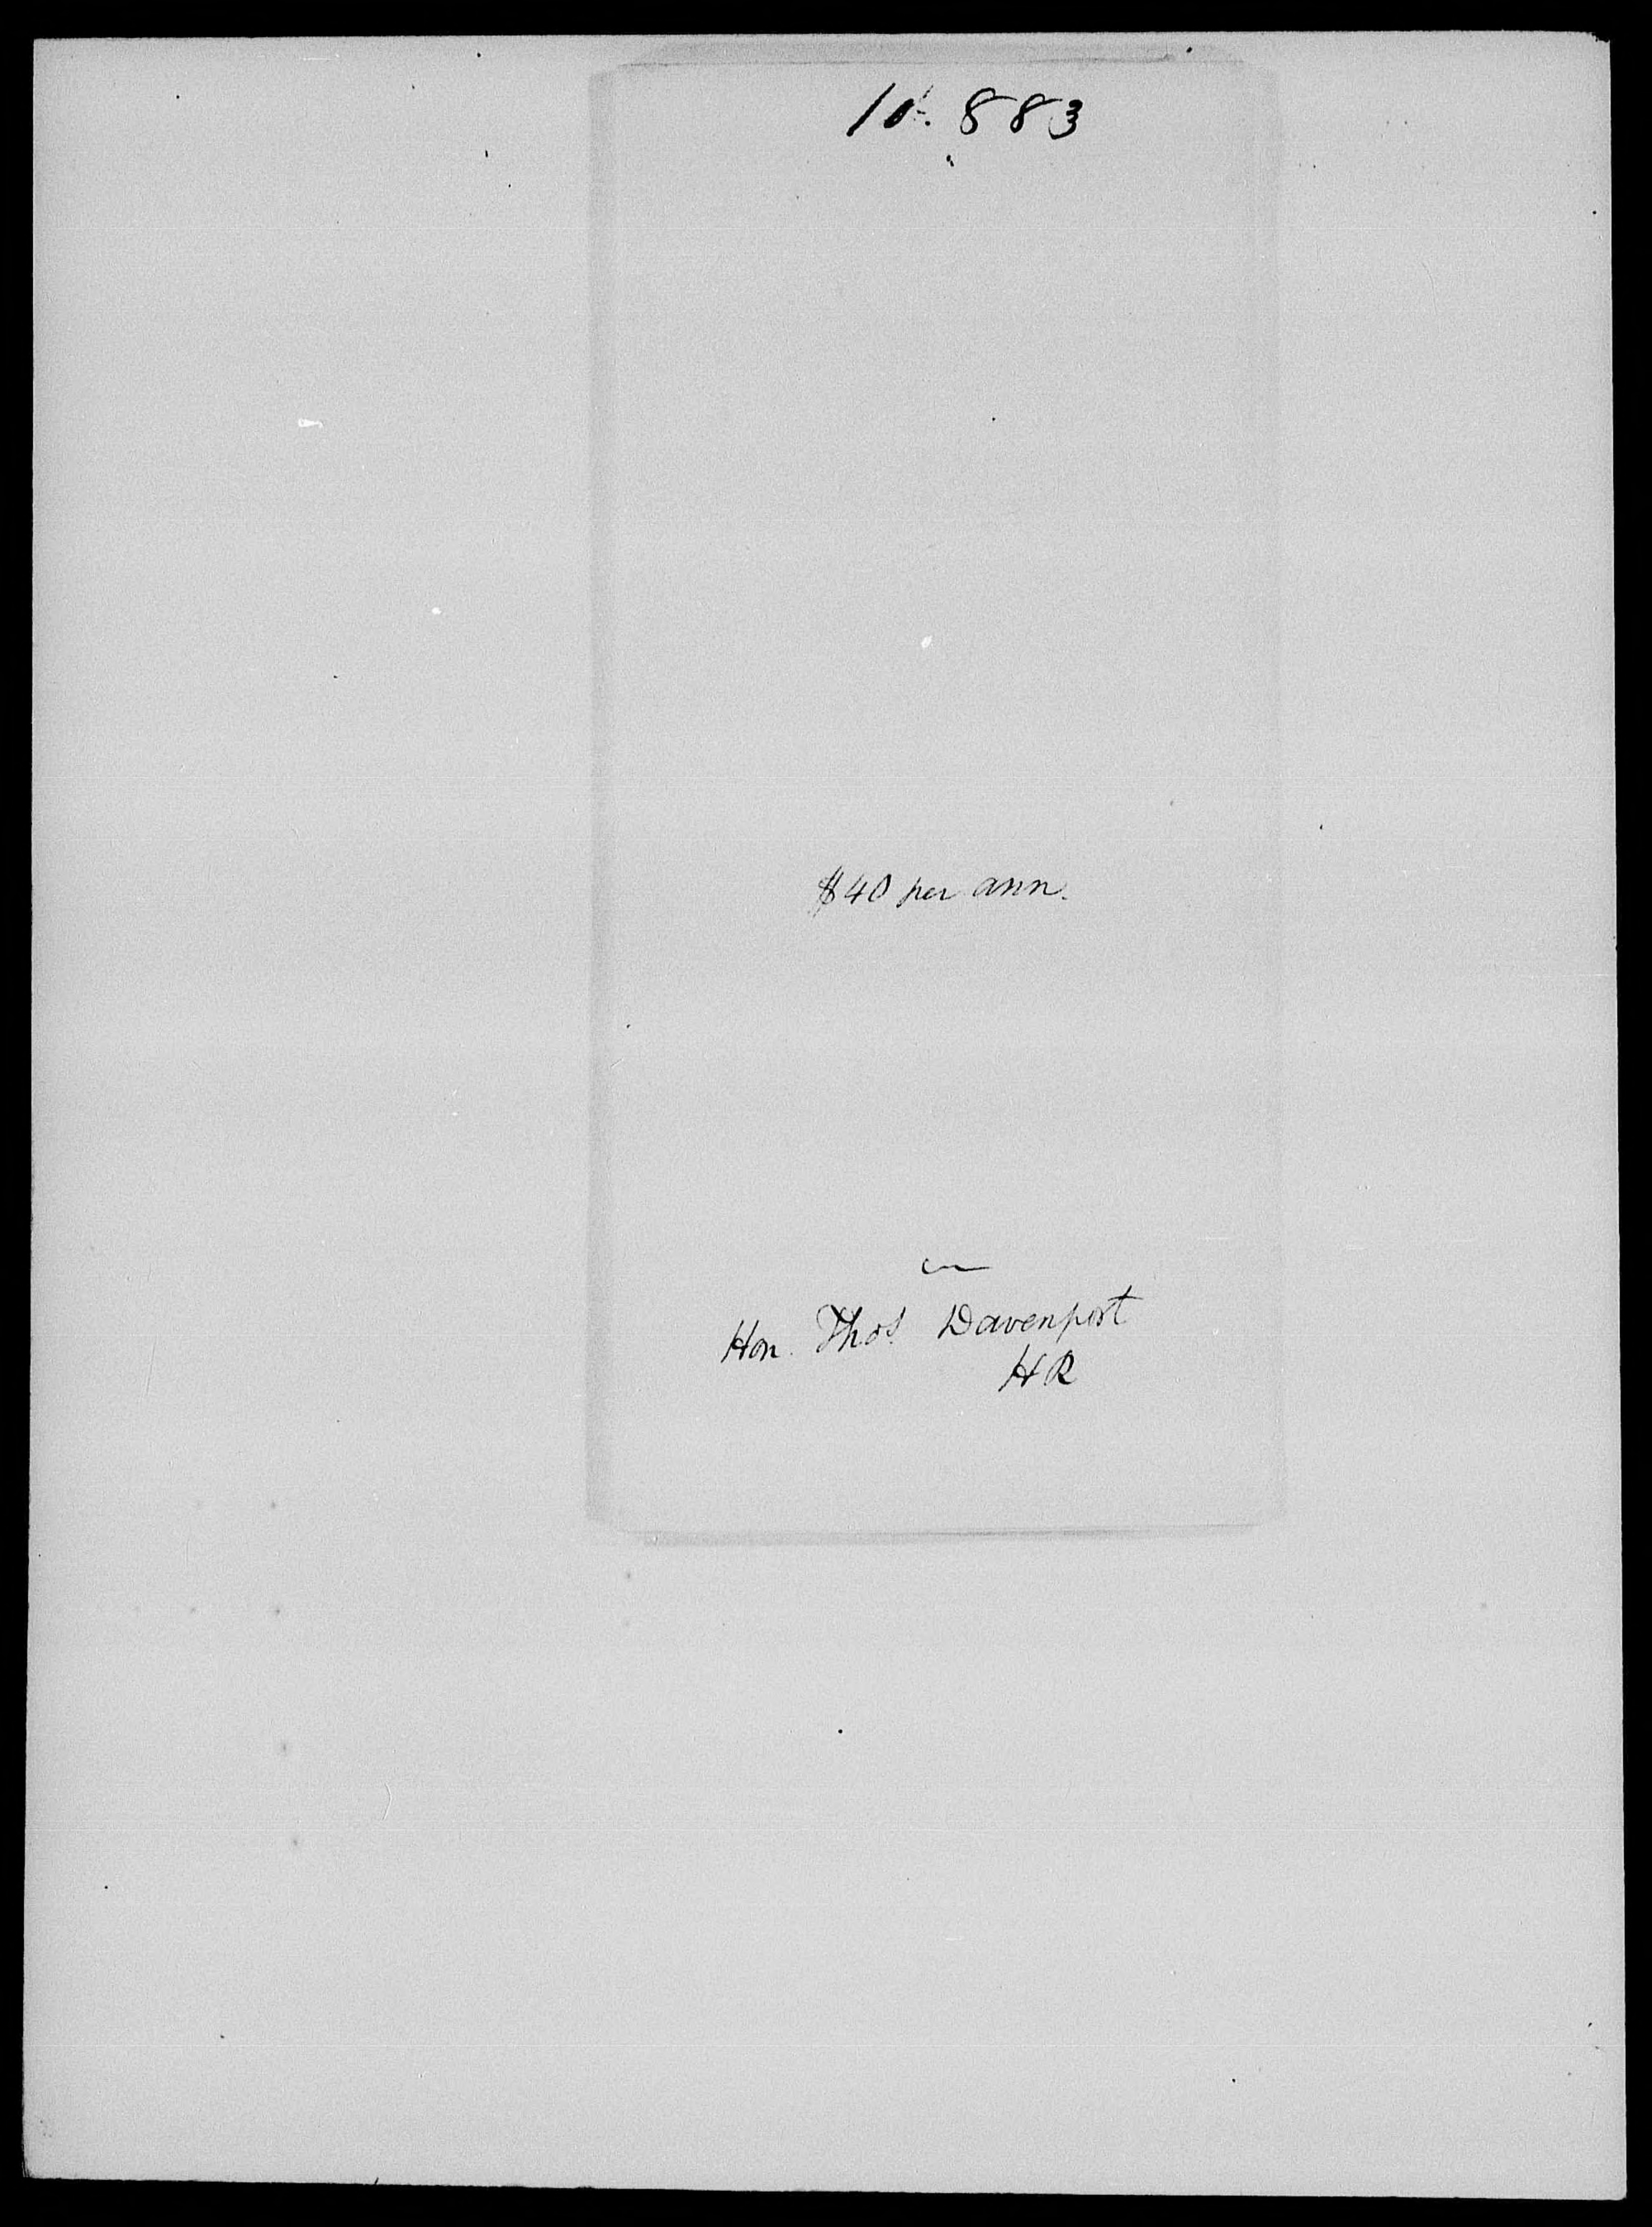10. 883

$40 per ann.

Hon. Thos. Davenport
H R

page: 3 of 18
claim: survivor's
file: S. 8742, for Moses Hutchings, Virginia